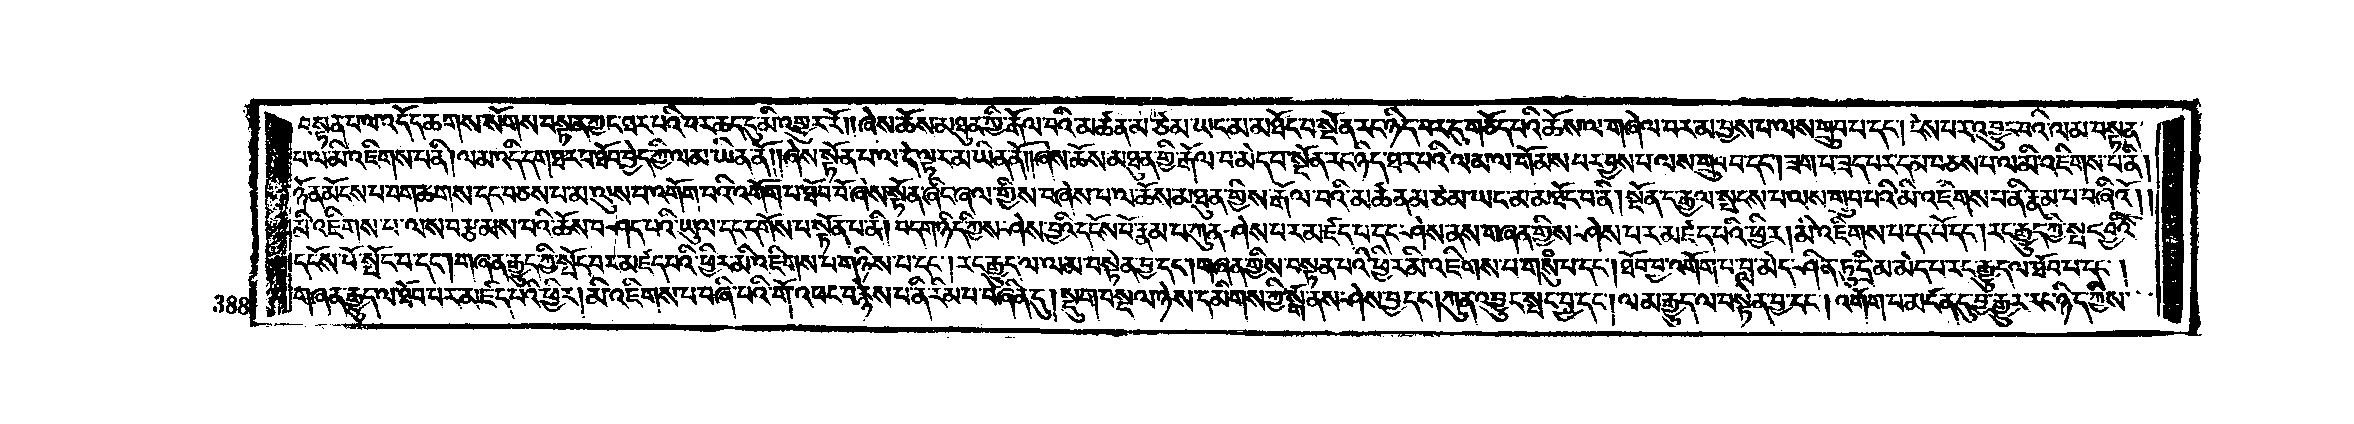བསྟན་པ་ལ་འདོད་ཆགས་སོགས་བསྟན་ཀྱང་ཐར་པའི་བར་ཆད་དུ་མི་འགྱུར་རོ། །ཞེས་ཆོས་མཐུན་གྱི་རྒོལ་བའི་མཚན་མ་ཙམ་ཡང་མ་མཐོང་བ་སྔོན་རང་ཉིད་བར་དུ་གཅོད་པའི་ཆོས་ལ་གཞེལ་པར་མ་བྱས་པ་ལས་གྲུབ་པ་དང་། ངེས་པར་འབྱུང་བའི་ལམ་བསྟན་
པ་ལ་མི་འཇིགས་པ་ནི། ལམ་འདི་དག་ཐར་པ་ཐོབ་བྱེད་ཀྱི་ལམ་ཡིན་ནོ། །ཞེས་སྟོན་པ་ལ་དེ་ལྟར་མ་ཡིན་ནོ། །ཞེས་ཆོས་མཐུན་གྱི་རྒོལ་བ་མེད་པ་སྔོན་རང་ཉིད་ཐར་པའི་ལམ་ལ་གོམས་པར་བྱས་པ་ལས་གྲུབ་པ་དང་། ཟག་པ་ཟད་པར་དམ་བཅས་པ་ལ་མི་འཇིགས་པ་ནི།
ཉོན་མོངས་པ་བག་ཆགས་དང་བཅས་པ་མ་ལུས་པ་འགོག་པའི་འགོག་པ་ཐོབ་བོ་ཞེས་སྟོན་ཞིང་ཞལ་གྱིས་བཞེས་པ་ལ་ཆོས་མཐུན་གྱིས་རྒོལ་བའི་མཚན་མ་ཙམ་ཡང་མ་མཐོང་བ་ནི། སྔོན་ང་རྒྱལ་སྤངས་པ་ལས་གྲུབ་པའི་མི་འཇིགས་པ་ནི་རྣམ་པ་བཞིའོ། །
མི་འཇིགས་པ་ལས་བརྩམས་པའི་ཆོས་བཤད་པའི་ཡུལ་དང་དགོས་པ་སྟོན་པ་ནི། བདག་ཉིད་ཀྱིས་ཤེས་བྱའི་དངོས་པོ་རྣམ་པ་ཀུན་ཤེས་པར་མཛད་པ་དང་ཤེས་ནས་གཞན་གྱིས་ཤེས་པར་མཛད་པའི་ཕྱིར། མི་འཇིགས་པ་དང་པོ་དང་། རང་རྒྱུད་ཀྱི་སྤང་བྱའི་
དངོས་པོ་སྤོང་བ་དང་། གཞན་རྒྱུད་ཀྱི་སྤོང་བར་མཛད་པའི་ཕྱིར་མི་འཇིགས་པ་གཉིས་པ་དང་། རང་རྒྱུད་ལ་ལམ་བསྟེན་བྱ་དང་། གཞན་གྱིས་བསྟན་པའི་ཕྱིར་མི་འཇིགས་པ་གསུམ་པ་དང་། ཐོབ་བྱ་འགོག་པ་བླ་མེད་ཤིན་ཏུ་དྲི་མ་མེད་པ་རང་རྒྱུད་ལ་ཐོབ་པ་དང་།
གཞན་རྒྱུད་ལ་ཐོབ་པར་མཛད་པའི་ཕྱིར། མི་འཇིགས་པ་བཞི་པའི་གོ་འཕང་བརྙེས་པ་ནི་རིམ་པ་བཞིན་དུ། སྡུག་བསྔལ་ཉེས་དམིགས་ཀྱི་སྒོ་ནས་ཤེས་བྱ་དང་། ཀུན་འབྱུང་སྤང་བྱ་དང་། ལམ་རྒྱུད་ལ་བསྟེན་བྱ་དང་། འགོག་པ་མངོན་དུ་བྱ་རྒྱུར་རང་ཉིད་ཀྱིས་